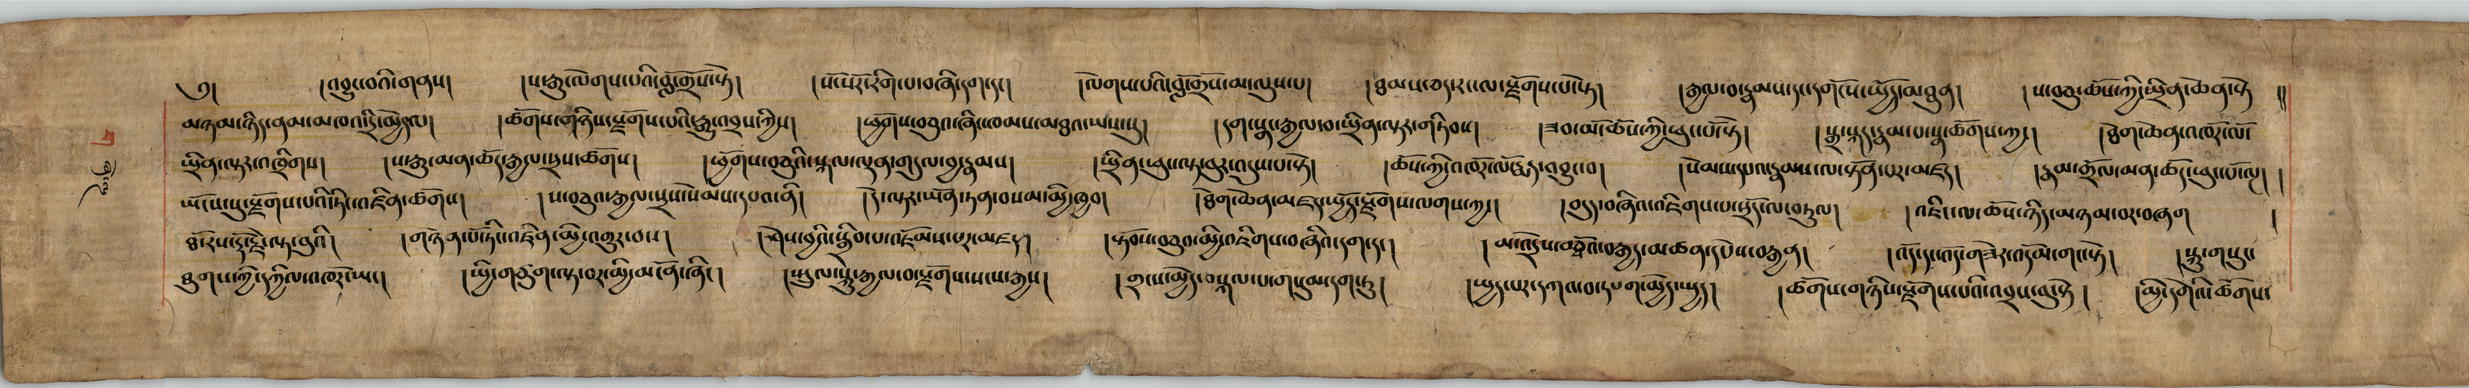༅། །འབྱུང་བའི་གནས། །ས་རྒྱུ་ལེགས་པའི་བློ་གྲོས་སྟེ། །སོ་སོར་རིག་པ་བཞི་དག་དང། །ལེགས་པའི་བློ་གྲོས་མ་ལུས་པ། །ཐམས་ཅད་རང་ལ་སྫོགས་པ་སྟེ། །རྒྱལ་བ་རྣམས་དང་དགོངས་སྤྱོད་མཐུན། །ས་བཅུ་ཆོས་ཀྱི་སྤྲིན་ཆེན་སྟེ །།
མཉམ་ཉིད་ནམ་མཁའ་དྲི་མྱེད་པ། །ཚོགས་གཉིས་སྫོགས་པའི་རྒྱུ་འབྲས་ཀྱིས། །ཕྱོགས་བཅུའ་ཞིང་ཁམས་མཐའ་ཡས་སུ། དག་སྣང་རྒྱལ་བ་སྤྲིན་ལྟར་གཏིབས། །ཟབ་མོ་ཆོས་ཀྱི་ཕུང་པོ་སྟེ། །སྒྲ་སྐད་རྣམ་པ་སྣ་ཚོགས་ཀྱང། །ཐེག་ཆེན་འཁོར་ལོ་
སྤྲིན་ལྟར་འཁྲིགས། །ས་རྒྱུ་མན་ཆོད་རྒྱལ་སྲས་ཚོགས། །ཕྱོགས་བཅུའི་སྐལ་ལྡན་གདུལ་བྱ་རྣམས། །སྤྲན་ཕུང་ལྟ་བུར་འདུས་པ་སྟེ། །ཆོས་ཀྱི་འཁོར་ལོ་རྨད་འབྱུང་བ། །སེམས་དཔའ་རྣམས་ལ་སྟོན་པར་མཛད། །རྣམ་གྲོལ་མན་ཆོད་ཕུང་པོ་ལྔ། །
ཡོངས་སུ་སྫོགས་པའི་ཏིང་འཛིན་ཚོགས། །ས་བཅུའ་རྒྱལ་སྲས་སེམས་དཔའ་ནི། །དེ་ལྟར་ཡོན་ཏན་བསམ་མྱི་ཁྱབ། །ཐེག་ཆེན་མཛད་སྤྱོད་སྫོགས་ལགས་ཀྱང། །བདུད་བཞིའ་འཇིགས་པ་སྲོད་ལ་བཏུལ། །འཇིང་ལ་ཆོས་ཉིད་མཉམ་བར་བཞག
ཐོ་རས་རྡོ་རྗེ་ལྟ་བུའི། །གཉེན་པོ་ཏིང་འཛིན་མྱི་འགྱུར་བས། །ཤེས་བྱའི་སྒྲིབ་པ་འཇོམས་པར་མཛད། །སྟོབས་བཅུའ་མྱི་འཇིགས་བཞིའ་དག་དང། །མ་འདྲེས་བཅྭོའ་བྲྒཡད་མཚན་དཔེས་བརྒྱན། །འོད་དང་འོད་གཟེར་གདོམ་གང་སྟེ། །སྐུ་གསུང་
ཐུགས་ཀྱི་དཀྱིལ་འཁོར་ཡང། །སྤྱི་གཙུག་ལྟ་བར་མྱི་མངོན་ཞིང། །སྤྲུལ་སྐུ་རྒྱལ་བ་སྫོགས་སངས་རྒྱས། །གྲངས་མྱེད་བསྐལ་པ་གསུམ་དག་ཏུ། །སྤྱད་པར་དཀའ་བ་དཔག་མྱེད་སྤྱད། །ཚོགས་གཉིས་སྫོགས་པའི་འབྲས་བུ་སྟེ། །མྱི་དགེའི་ཚོགས་